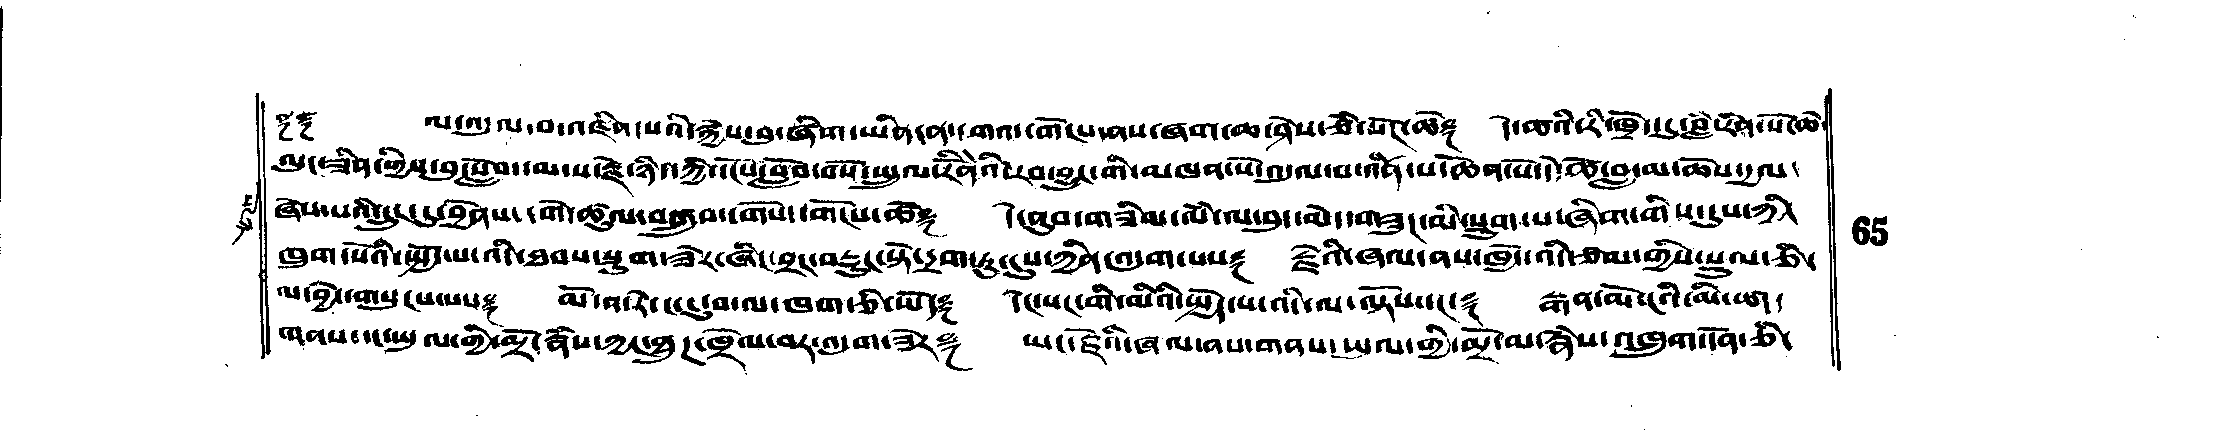ལ་འདུལ་བ་འཛིན་པའི་སྐྱེས་བུ་ཞིག་ཡིན་ན་དགའ་དགོངས་ནས་ཞག་ཆ་ཤས་ཙམ་སོང་ཚེ། དེ་ཚའི་༼ཆེའི་?༽རི་ཁྲོད་དུ་བླ་མ་རིན་པོ་ཆེ་
ལུང་ཟིན་གྱི་བུ་སློབ་དམ་པ་རྗེ་ཉིད་ཀྱི་དངོས་སློབ་བསོ་སྤྲུལ་རིན་པོ་ཆེའི་རབ་བྱུང་གི་མཁན་པོ་འདུལ་བ་འཛིན་པ་ཆེན་པོ་དེ་ཚོ་བླ་མ་ཆོས་རྒྱལ་
ཞེས་པའི་དྲུང་དུ་བྱོན་ནས་དགེ་ཚུལ་བསྒྲུབ་དགོས་དགོངས་ཚེ།དེ་ནུབ་གཟིམ་ལམ་ལ་བུད་མེད་གཟུགས་མི་སྡུག་པ་ཞིག་གིས་དུས་ཀྱི་
ཁུག་སོའི་སྤྱོད་པ་འདི་ཐབས་སྡུག་ཟེར་ཞིང་བྲང་བརྡུང་སྟེ་དྲག་ཏུ་ངུས་ཀྱིན་འདུག་པས། རྗེའི་ཞལ་ནས་ཁྱོད་འདི་ཙམ་གྱིས་སྡུག་ཅིང་
ལ་བྱེད་གསུངས་པས། མོ་ན་རེ་ང་ངུ་བ་ལ་ཁག་ཅི་ཡོད། དེང་སང་གི་མིའི་སྤྱོད་པ་འདི་ལ་ལྟོས་དང་། རྒན་མོ་ངའི་མི་ཚད་
གནས་དང་ཡུལ་གྱི་མཁའ་འགྲོ་རྣམས་ཀྱང་ཐུགས་ཁྲོལ་༼ཁྲེལ?༽བར་འདུག་ཟེར། ཡང་རྗེའི་ཞལ་ནས་གནས་ཡུལ་གྱི་མཁའ་འགྲོ་མ་རྣམས་འཁྲུག་དོན་ཅི་